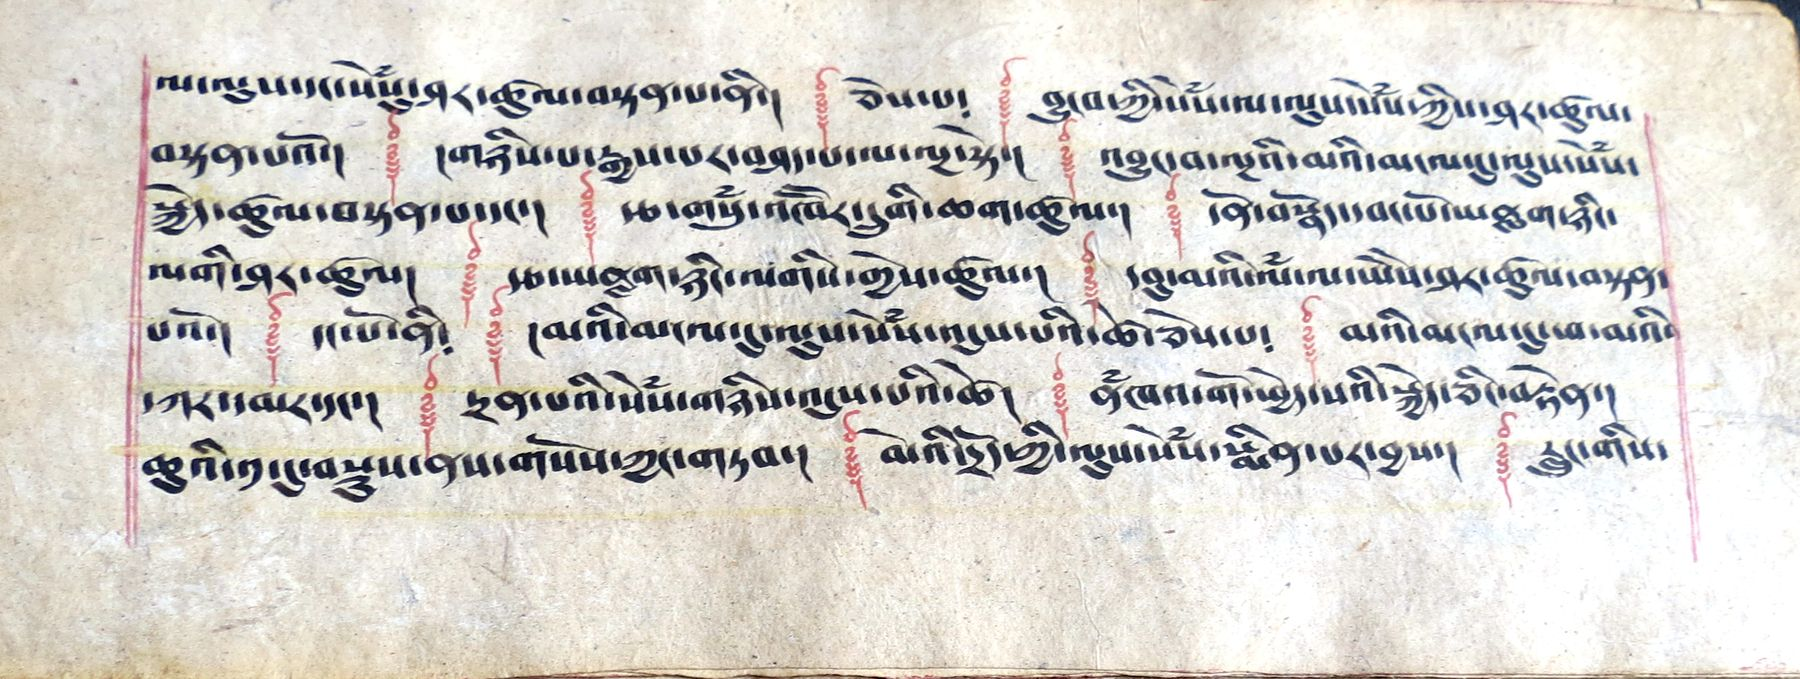ལ་ལུས་དང་སེམས་སུ་ཤར་ཚུལ་བསྟན་པ་ནི། །ཞེས་པས། བྱང་ཆུབ་ཀྱི་སེམས་ལ་ལུས་སེམས་ཀྱི་ཤར་ཚུལ་
བསྟན་པའོ། །གཉིས་པ་རྒྱས་པར་བཤད་པ་ལ་ལྔ་སྟེ། འབྱུང་བ་ལྔ་ཡིས་མའི་མངལ་དུ་ལུས་སེམས་
བསྐྱེད་ཚུལ་བསྟན་པ་དང་། རྩ་གསུམ་འཁོར་ལོ་དྲུག་གི་ཆགས་ཚུལ། དོན་སྣོད་དབང་པོ་ཡན་ལག་ཉིང་
ལག་གི་ཤར་ཚུལ། རྩ་ཡན་ལག་ཉིང་ལག་གི་གྱེས་ཚུལ། དབུ་མའི་ལམ་ལ་ཡེ་ཤེས་ཤར་ཚུལ་བསྟན་
པའོ། །དང་པོ་ནི། མའི་མངལ་དུ་ལུས་སེམས་འདུས་པའི་ཚེ། །ཞེས་པས། མའི་མངལ་དུ་ཕ་མའི་
དཀར་དམར་དང་། དྲན་པའི་སེམས་གཉིས་འདུས་པའི་ཚེ། ནམ་མཁས་གོ་ཕྱེས་པས་བསྐྱེད་ཅིང་བརྟེན། 
ཆུ་ཡིས་གཅིག་ཏུ་བསྡུས་ནས་གསོས་ཀྱང་བཏབ། མེའི་དྲོད་ཀྱིས་ལུས་སེམས་སྨིན་པར་བྱས། རླུང་གིས་